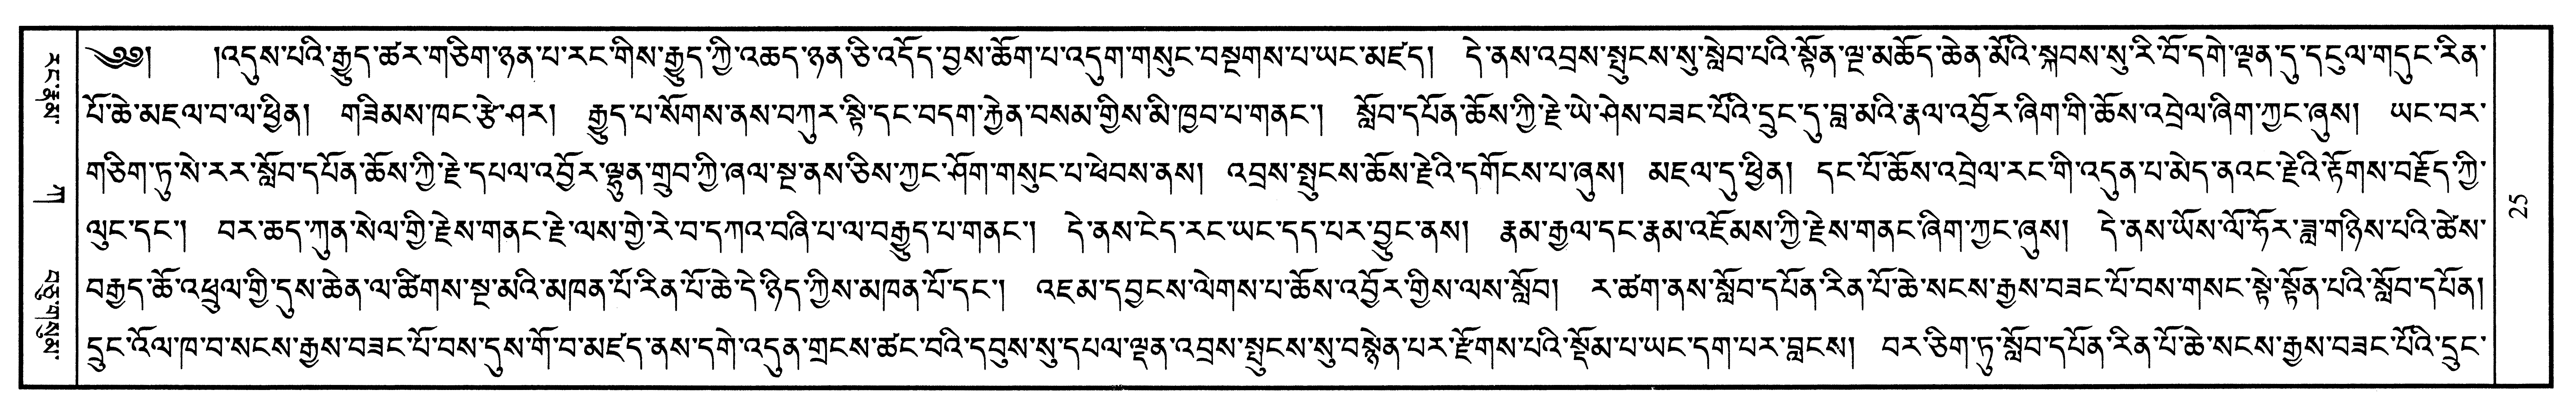༄༅། །འདུས་པའི་རྒྱུད་ཚར་གཅིག་ཉན་པ་རང་གིས་རྒྱུད་ཀྱི་འཆད་ཉན་ཅི་འདོད་བྱས་ཆོག་པ་འདུག་གསུང་བསྔགས་པ་ཡང་མཛད། དེ་ནས་འབྲས་སྤུངས་སུ་སླེབ་པའི་སྟོན་ལྔ་མཆོད་ཆེན་མོའི་སྐབས་སུ་རི་བོ་དགེ་ལྡན་དུ་དངུལ་གདུང་རིན་
པོ་ཆེ་མཇལ་བ་ལ་ཕྱིན། གཟིམས་ཁང་རྩེ་ཤར། རྒྱུད་པ་སོགས་ནས་བཀུར་སྟི་དང་བདག་རྐྱེན་བསམ་གྱིས་མི་ཁྱབ་པ་གནང་། སློབ་དཔོན་ཆོས་ཀྱི་རྗེ་ཡེ་ཤེས་བཟང་པོའི་དྲུང་དུ་བླ་མའི་རྣལ་འབྱོར་ཞིག་གི་ཆོས་འབྲེལ་ཞིག་ཀྱང་ཞུས། ཡང་བར་
གཅིག་ཏུ་སེ་རར་སློབ་དཔོན་ཆོས་ཀྱི་རྗེ་དཔལ་འབྱོར་ལྷུན་གྲུབ་ཀྱི་ཞལ་སྔ་ནས་ཅིས་ཀྱང་ཤོག་གསུང་པ་ཕེབས་ནས། འབྲས་སྤུངས་ཆོས་རྗེའི་དགོངས་པ་ཞུས། མཇལ་དུ་ཕྱིན། དང་པོ་ཆོས་འབྲེལ་རང་གི་འདུན་པ་མེད་ནའང་རྗེའི་རྟོགས་བརྗོད་ཀྱི་
ལུང་དང་། བར་ཆད་ཀུན་སེལ་གྱི་རྗེས་གནང་རྗེ་ལས་གྱེ་རེ་བ་དཀའ་བཞི་པ་ལ་བརྒྱུད་པ་གནང་། དེ་ནས་ངེད་རང་ཡང་དད་པར་བྱུང་ནས། རྣམ་རྒྱལ་དང་རྣམ་འཇོམས་ཀྱི་རྗེས་གནང་ཞིག་ཀྱང་ཞུས། དེ་ནས་ཡོས་ལོ་ཧོར་ཟླ་གཉིས་པའི་ཚེས་
བརྒྱད་ཆོ་འཕྲུལ་གྱི་དུས་ཆེན་ལ་ཚིགས་སྔ་མའི་མཁན་པོ་རིན་པོ་ཆེ་དེ་ཉིད་ཀྱིས་མཁན་པོ་དང་། འཇམ་དབྱངས་ལེགས་པ་ཆོས་འབྱོར་གྱིས་ལས་སློབ། ར་ཚག་ནས་སློབ་དཔོན་རིན་པོ་ཆེ་སངས་རྒྱས་བཟང་པོ་བས་གསང་སྟེ་སྟོན་པའི་སློབ་དཔོན།
དྲུང་འོལ་ཁ་བ་སངས་རྒྱས་བཟང་པོ་བས་དུས་གོ་བ་མཛད་ནས་དགེ་འདུན་གྲངས་ཚང་བའི་དབུས་སུ་དཔལ་ལྡན་འབྲས་སྤུངས་སུ་བསྙེན་པར་རྫོགས་པའི་སྡོམ་པ་ཡང་དག་པར་བླངས། བར་ཅིག་ཏུ་སློབ་དཔོན་རིན་པོ་ཆེ་སངས་རྒྱས་བཟང་པོའི་དྲུང་